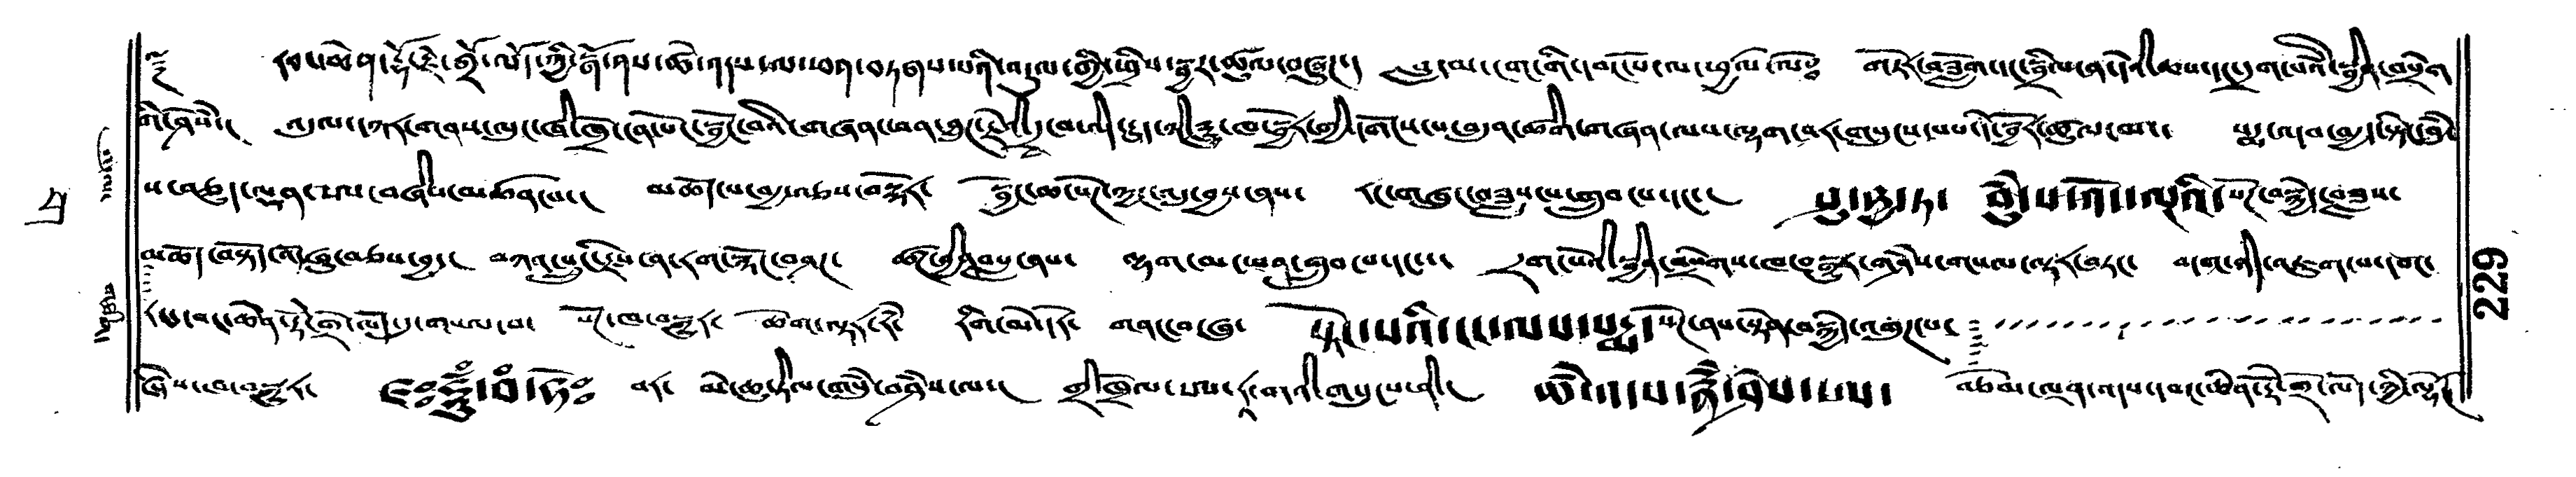དབང་ཆེན་རྡོ་རྗེ་གྲོ་ལོད་ཀྱི་སྒོ་ནས་ཚེ་འདས་ལ་ཕན་བཏགས་པའྀ་འདུལ་གྱི་ཕྲིན་ལས་སྦྱོར་ཚུལ་བཞུགས། བླ་མ་དང་ངག་གི་དབང་པོ་ལ་ཕྱག་འཚལ་ལོཿ གཏོར་ཟློག་དང་སྦྲེལ་ན་དེའི་ཆས་དང་དྲག་པོའི་སྦྱིན་སྲེག་
གི་ཤོམས། འདུལ་དཀར་གནས་ལུང་ཞི་ཁྲོ་ངན་སོང་སྦྱོང་བ་གཞན་ཕན་ཐུགས་རྗེའི་དྲྭ་བ་འདི་རྒྱུད་ཉི་ཟླ་ཁ་སྦྱོར་གྱི་དགོངས་པ་བདུན་ཚིག་གཞན་ལས་ལྷག་པར་གསུངས་པས་དེ་སྦྱོར་ཚུལ་ལ་ པདྨ་འདབ་བརྒྱད་སྟེང་བུམ་
པ་བཅུད་ལྡན་ཨ་བཞིས་མཚན་པ་ མཆོད་པ་བརྒྱ་རྩས་བསྐོར། སྦྱོང་ཆ་སོགས་ཀྱང་འདུ་བྱས་ནས་ རང་གཞུང་བཟླས་པ་གྲུབ་པ་དང་། ཤུ་ནྱ་ཏ་ བུམ་པ་འོད་ལྔའི་སོགས་སྐྱེད་ཟླས་
མཆོད་བསྟོད་འོད་ཞུ་བཅས་བྱ། བཀའ་སྲུང་རྗེས་ན་རག་སྐོང་བཤགས། ཚོགས་བྱིན་རླབས་ནས་ལྷག་མ་ཡན་གྲུབ་པ་དང་། དྲག་པོའི་སྦྱིན་སྲེག་ཁ་བསྒྱུར་གཤམ་གསལ་ལྟར་བཏང་། བདག་ཉིད་འཇུག་པ་དབང་
ཆེན་རྡོ་རྗེ་གྲོ་ལོད་དུ་གསལ་བ་སོགས་ཁ་སྒྱུར། ཚོགས་ལྟར་རམ་རིག་མེ་དོར། གནང་བ་ཞུ། སྟོང་པའི་ངང་ལས་པདྨ་སོགས་ནས་རྟེན་བསྐྱེད་འགུགས་པ་བཅོམ་ལྡན་འདས་དབང་ཆེན་རྡོ་རྗེ་གྲོ་ལོད་ཀྱི་ལྷ་ཚོགས་
ཞེས་པ་ཁ་སྒྱུར། ཛཿཧཱུྃ་བཾ་ཧོཿབར་མེ་ཆུ་ཏིལ་གསུམ་བཤམས་ལ་གྲི་ཁྲོལ་ཨ་རཱ་གའི་གསུང་ནི་ཚེ་འདས་རྣམ་ཤེས་ཨ་